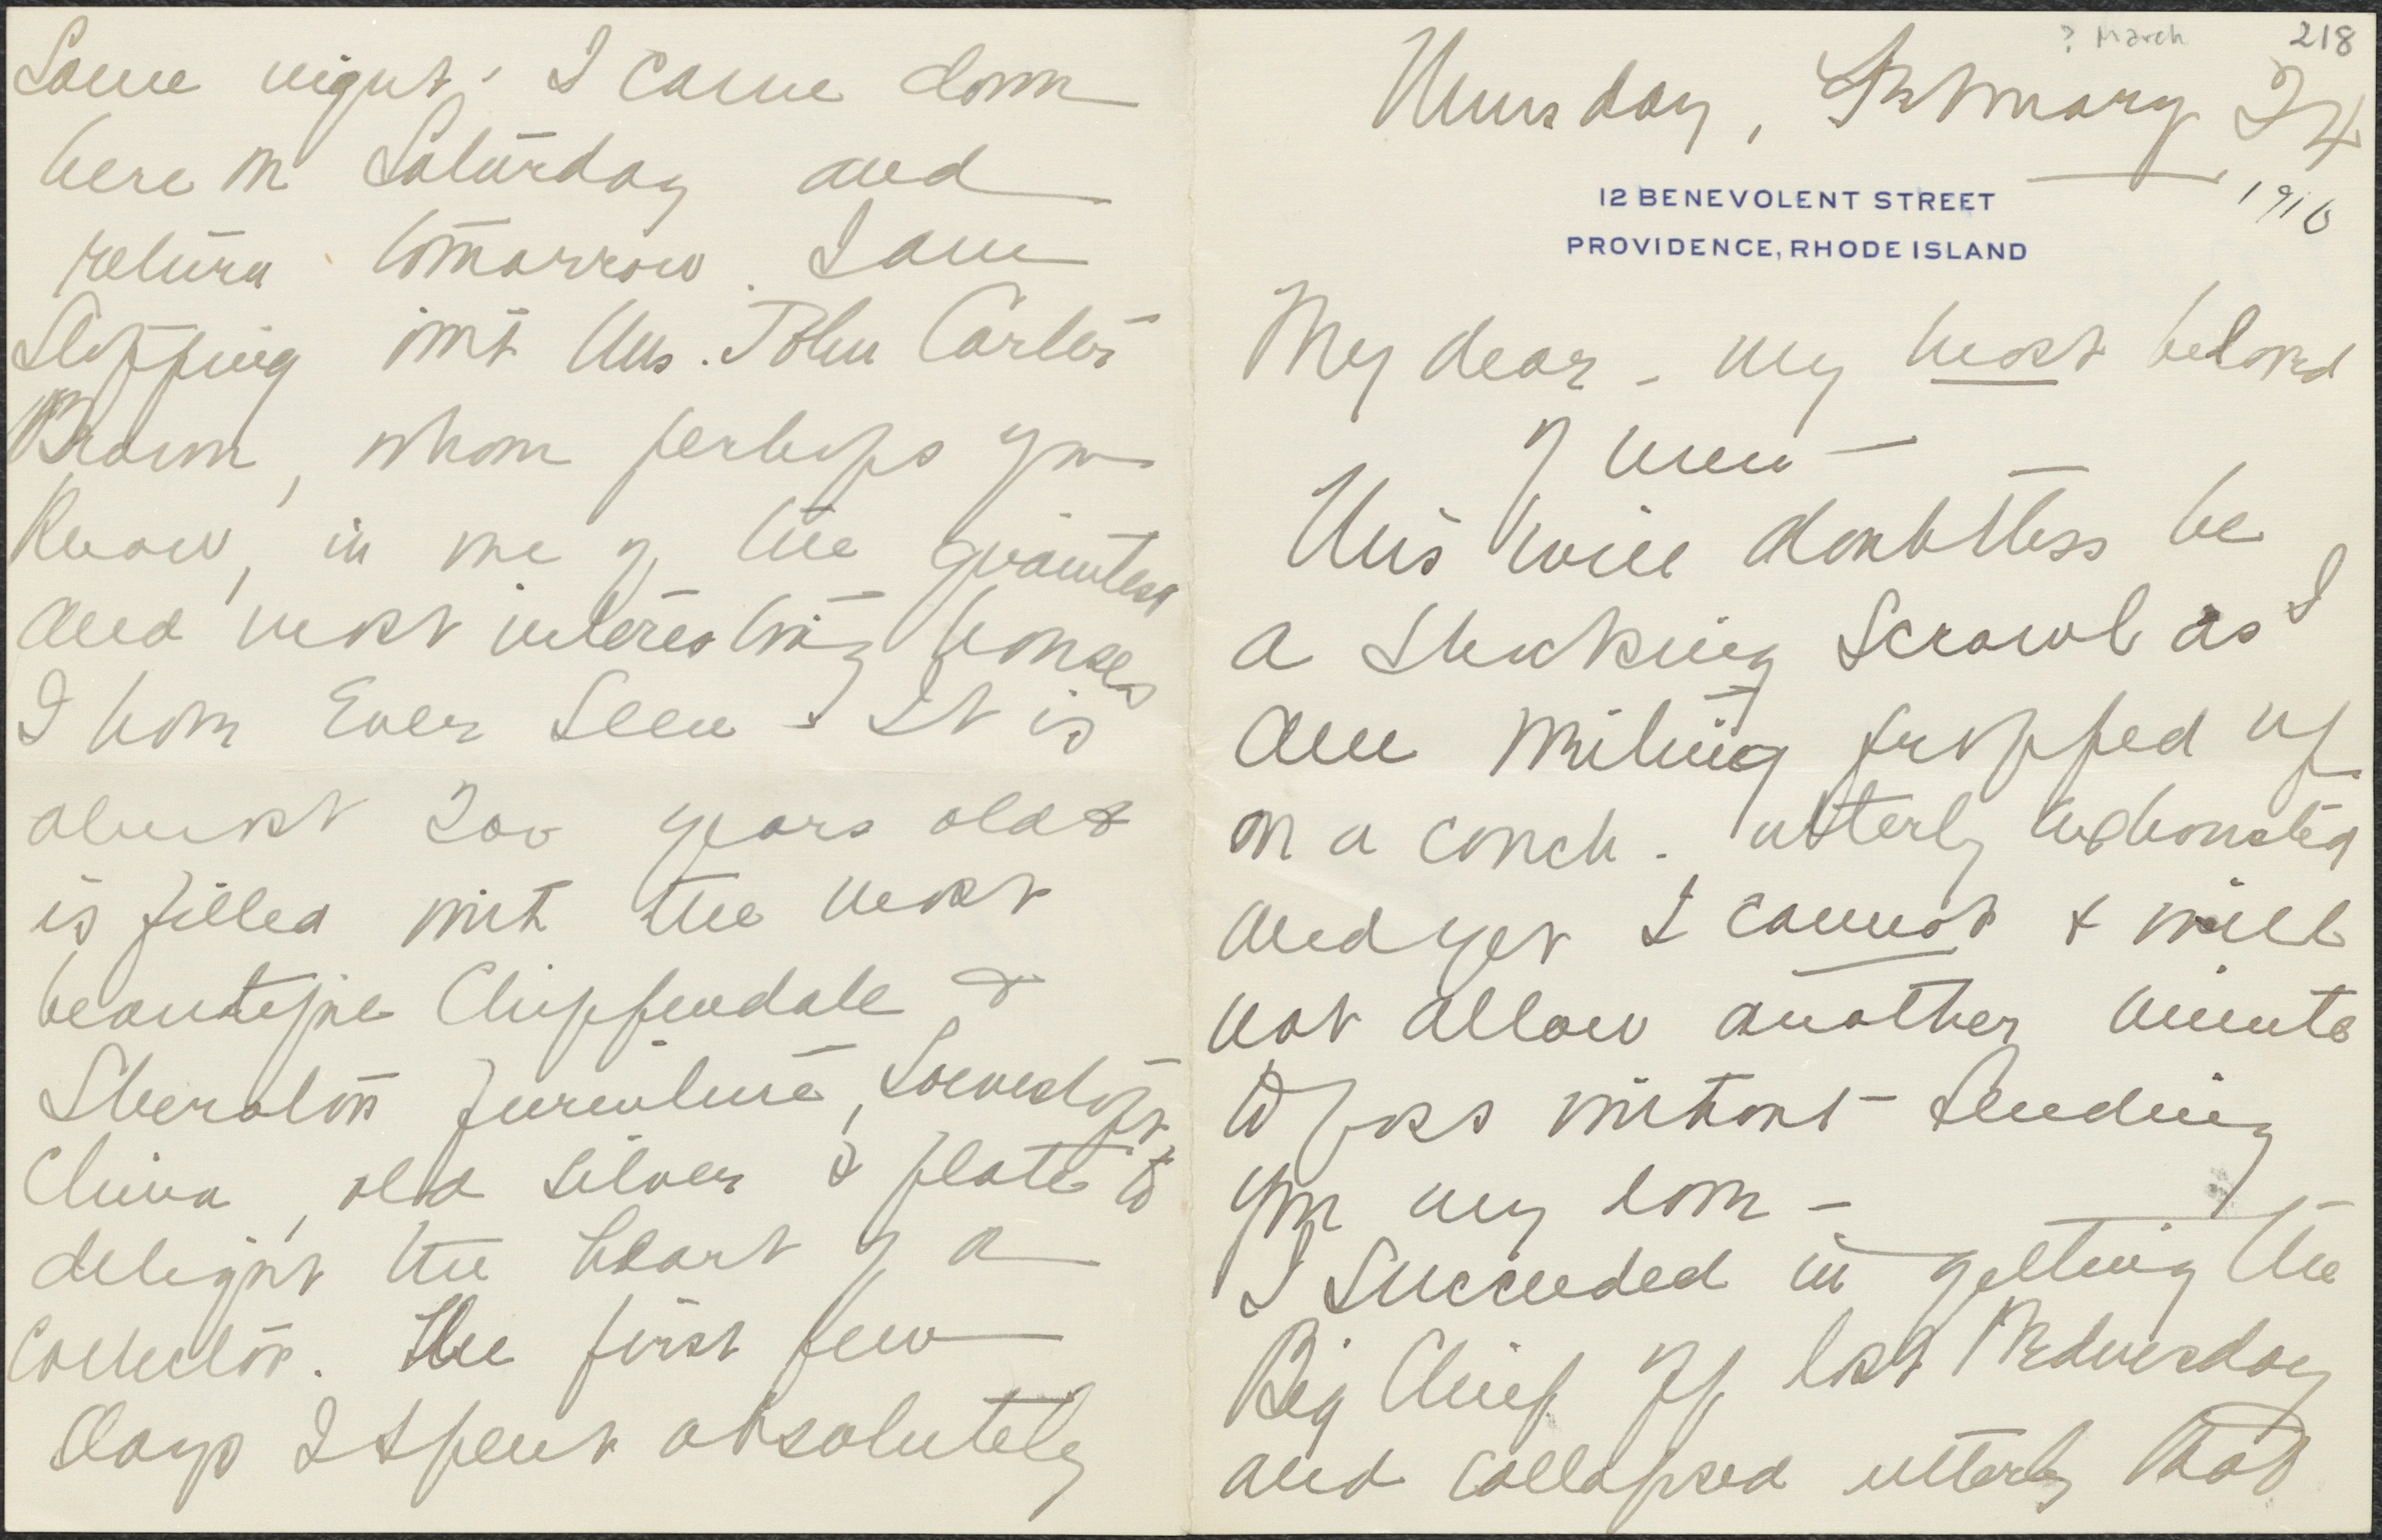Thursday, February 24
My dear – my most beloved of men –
This will doubtless be a shocking scrawl as I am writing propped up on a couch – utterly exhausted and yet I cannot & will not allow another minute to pass without sending you my love –
I succeeded in getting the Big Chief off last Wednesday and collapsed utterly that
same night – I came down here on Saturday and return tomorrow. I am stopping with Mrs. John Carter Brown, whom perhaps you know, in one of the quaintest and most interesting houses I have ever seen – It is almost 200 years old & is filled with the most beautiful Chippendale & Sheraton furniture, Lowestoft China, old silver & plate to delight the heart of a collector. The first few days I spent absolutely